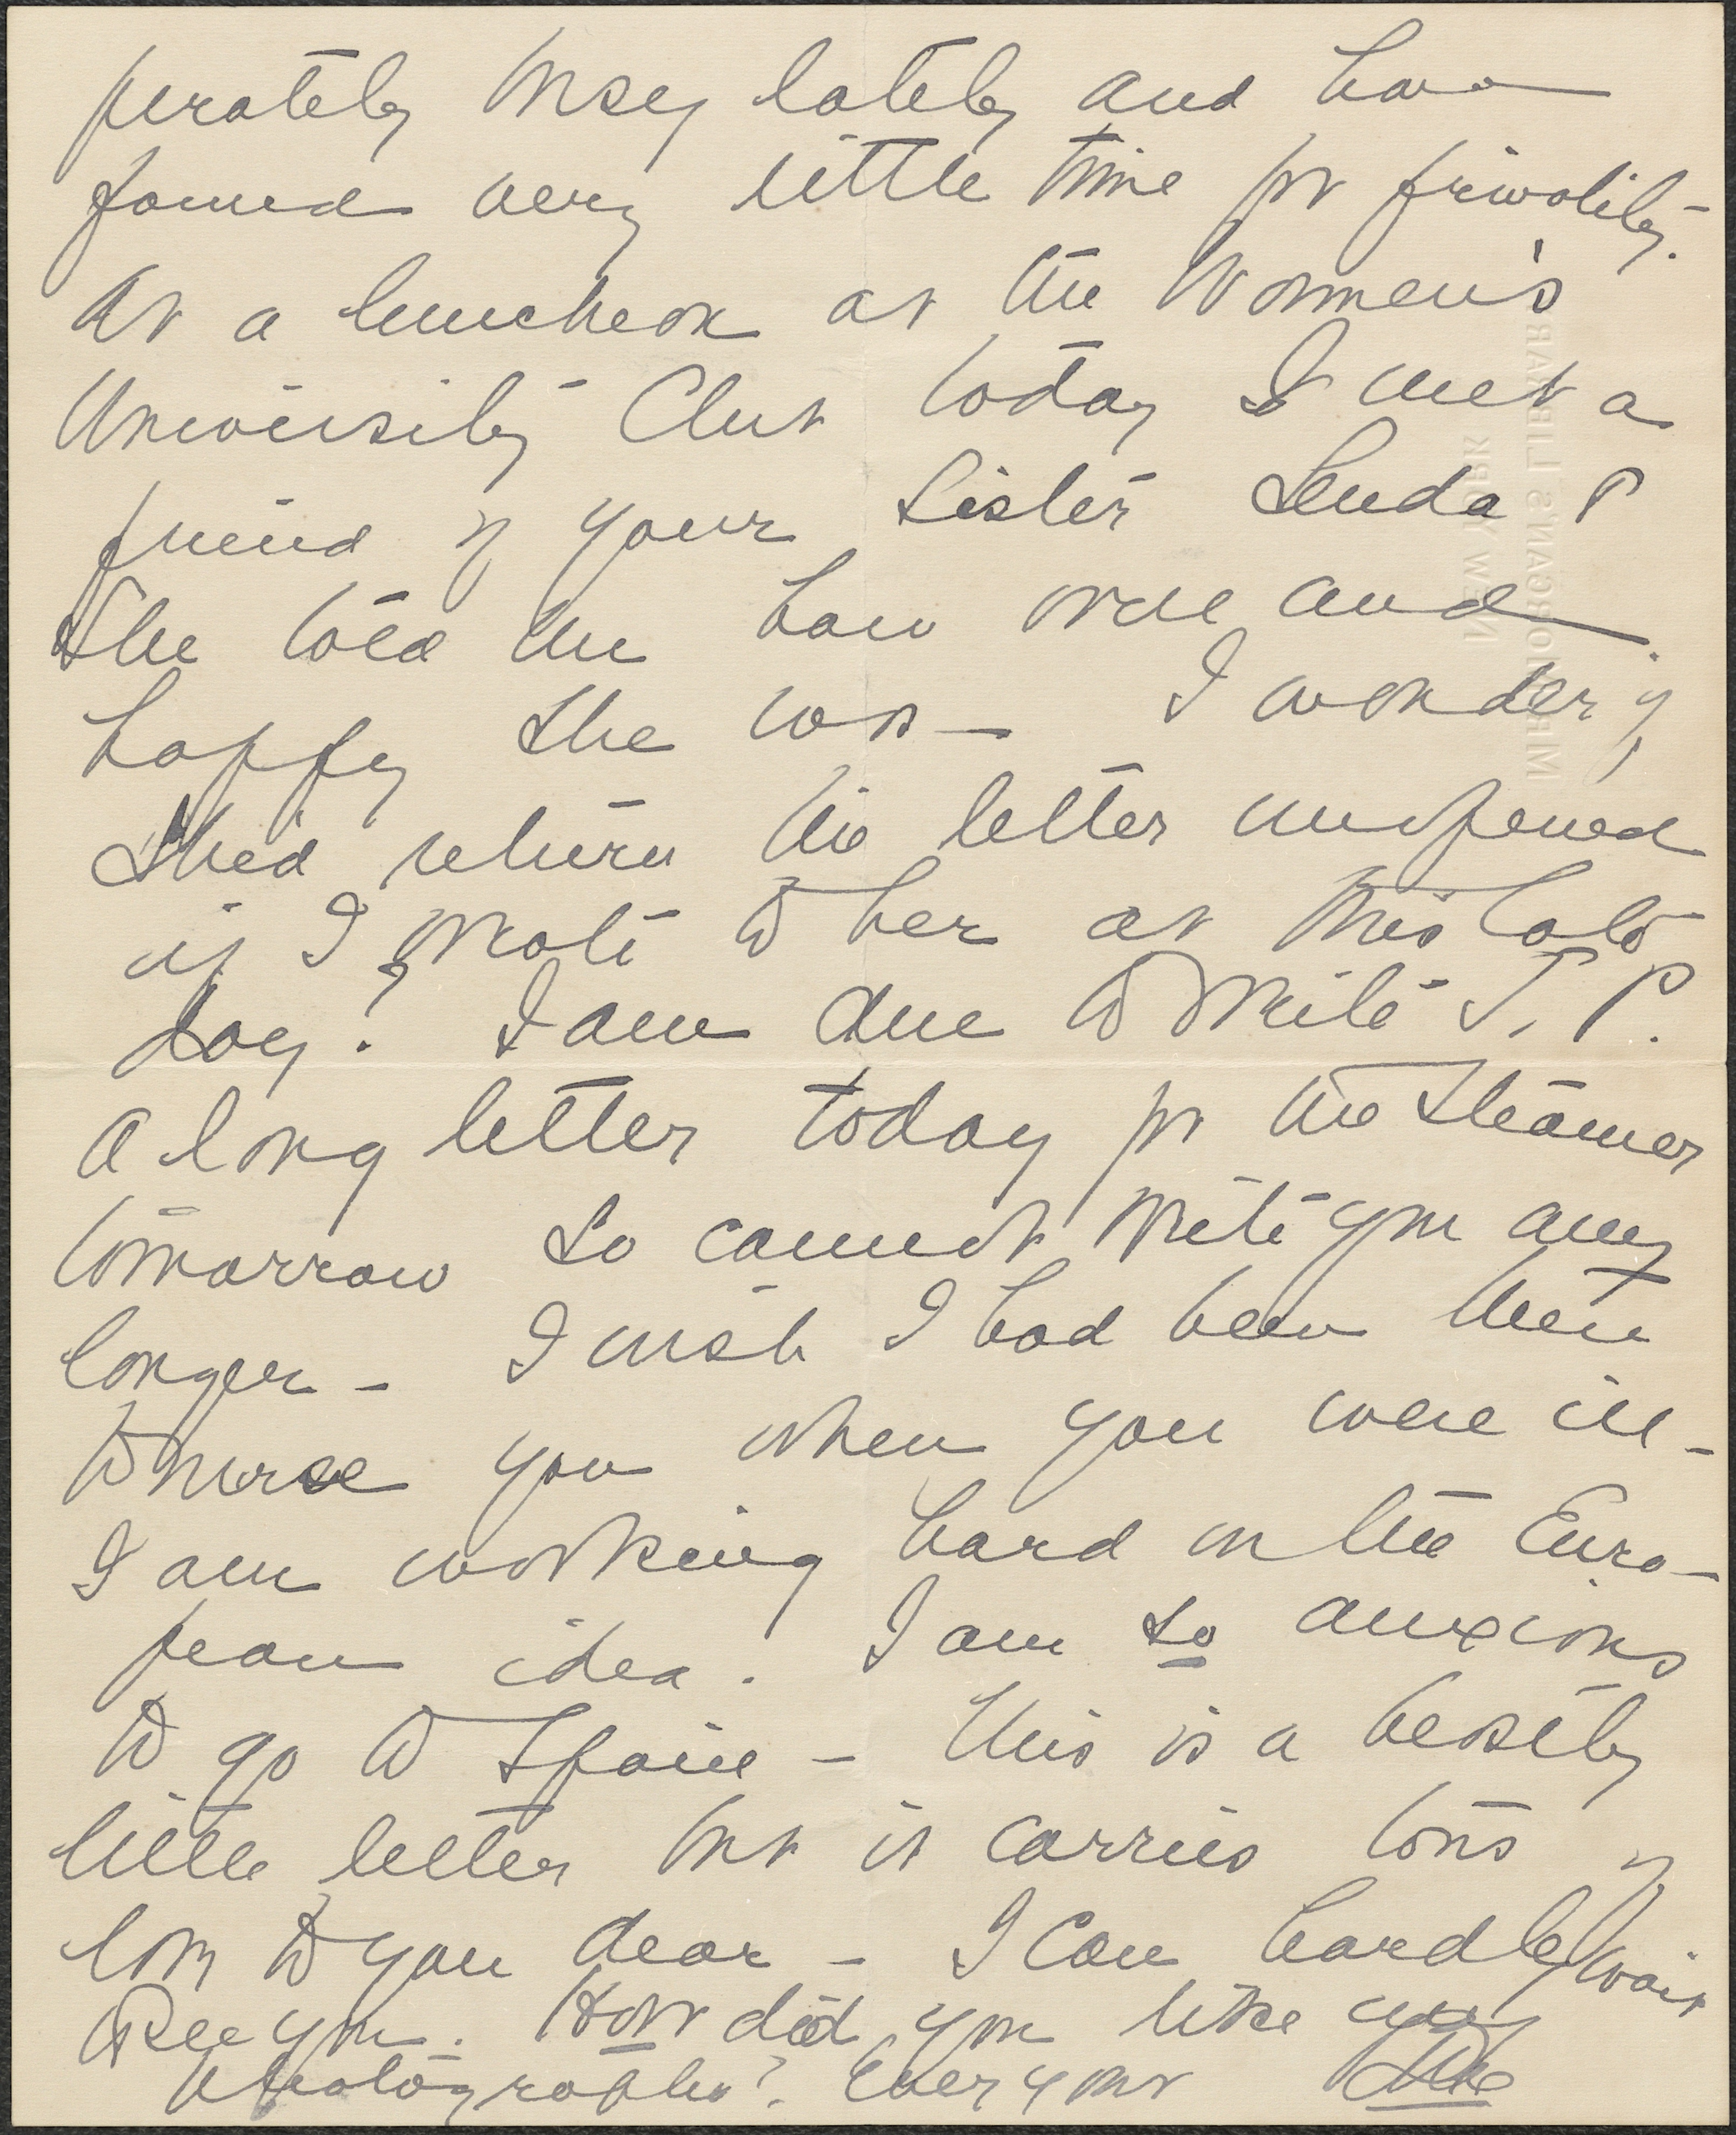busy lately and have found very little time for frivolity. At a luncheon at the Women’s University Club today I met a friend of your sister Senda & she told me how well and happy she was – I wonder if she’d return the letter unopened if I wrote to her at this late day? I am due to write J. P. a long letter today for the steamer tomorrow so cannot write you any longer – I wish I had been there to nurse you when you were ill – I am working hard on the European idea. I am so anxious to go to Spain – This is a beastly little letter but it carries tons of love to you dear – I can hardly wait to see you. How did you like my photographs? Ever you Belle